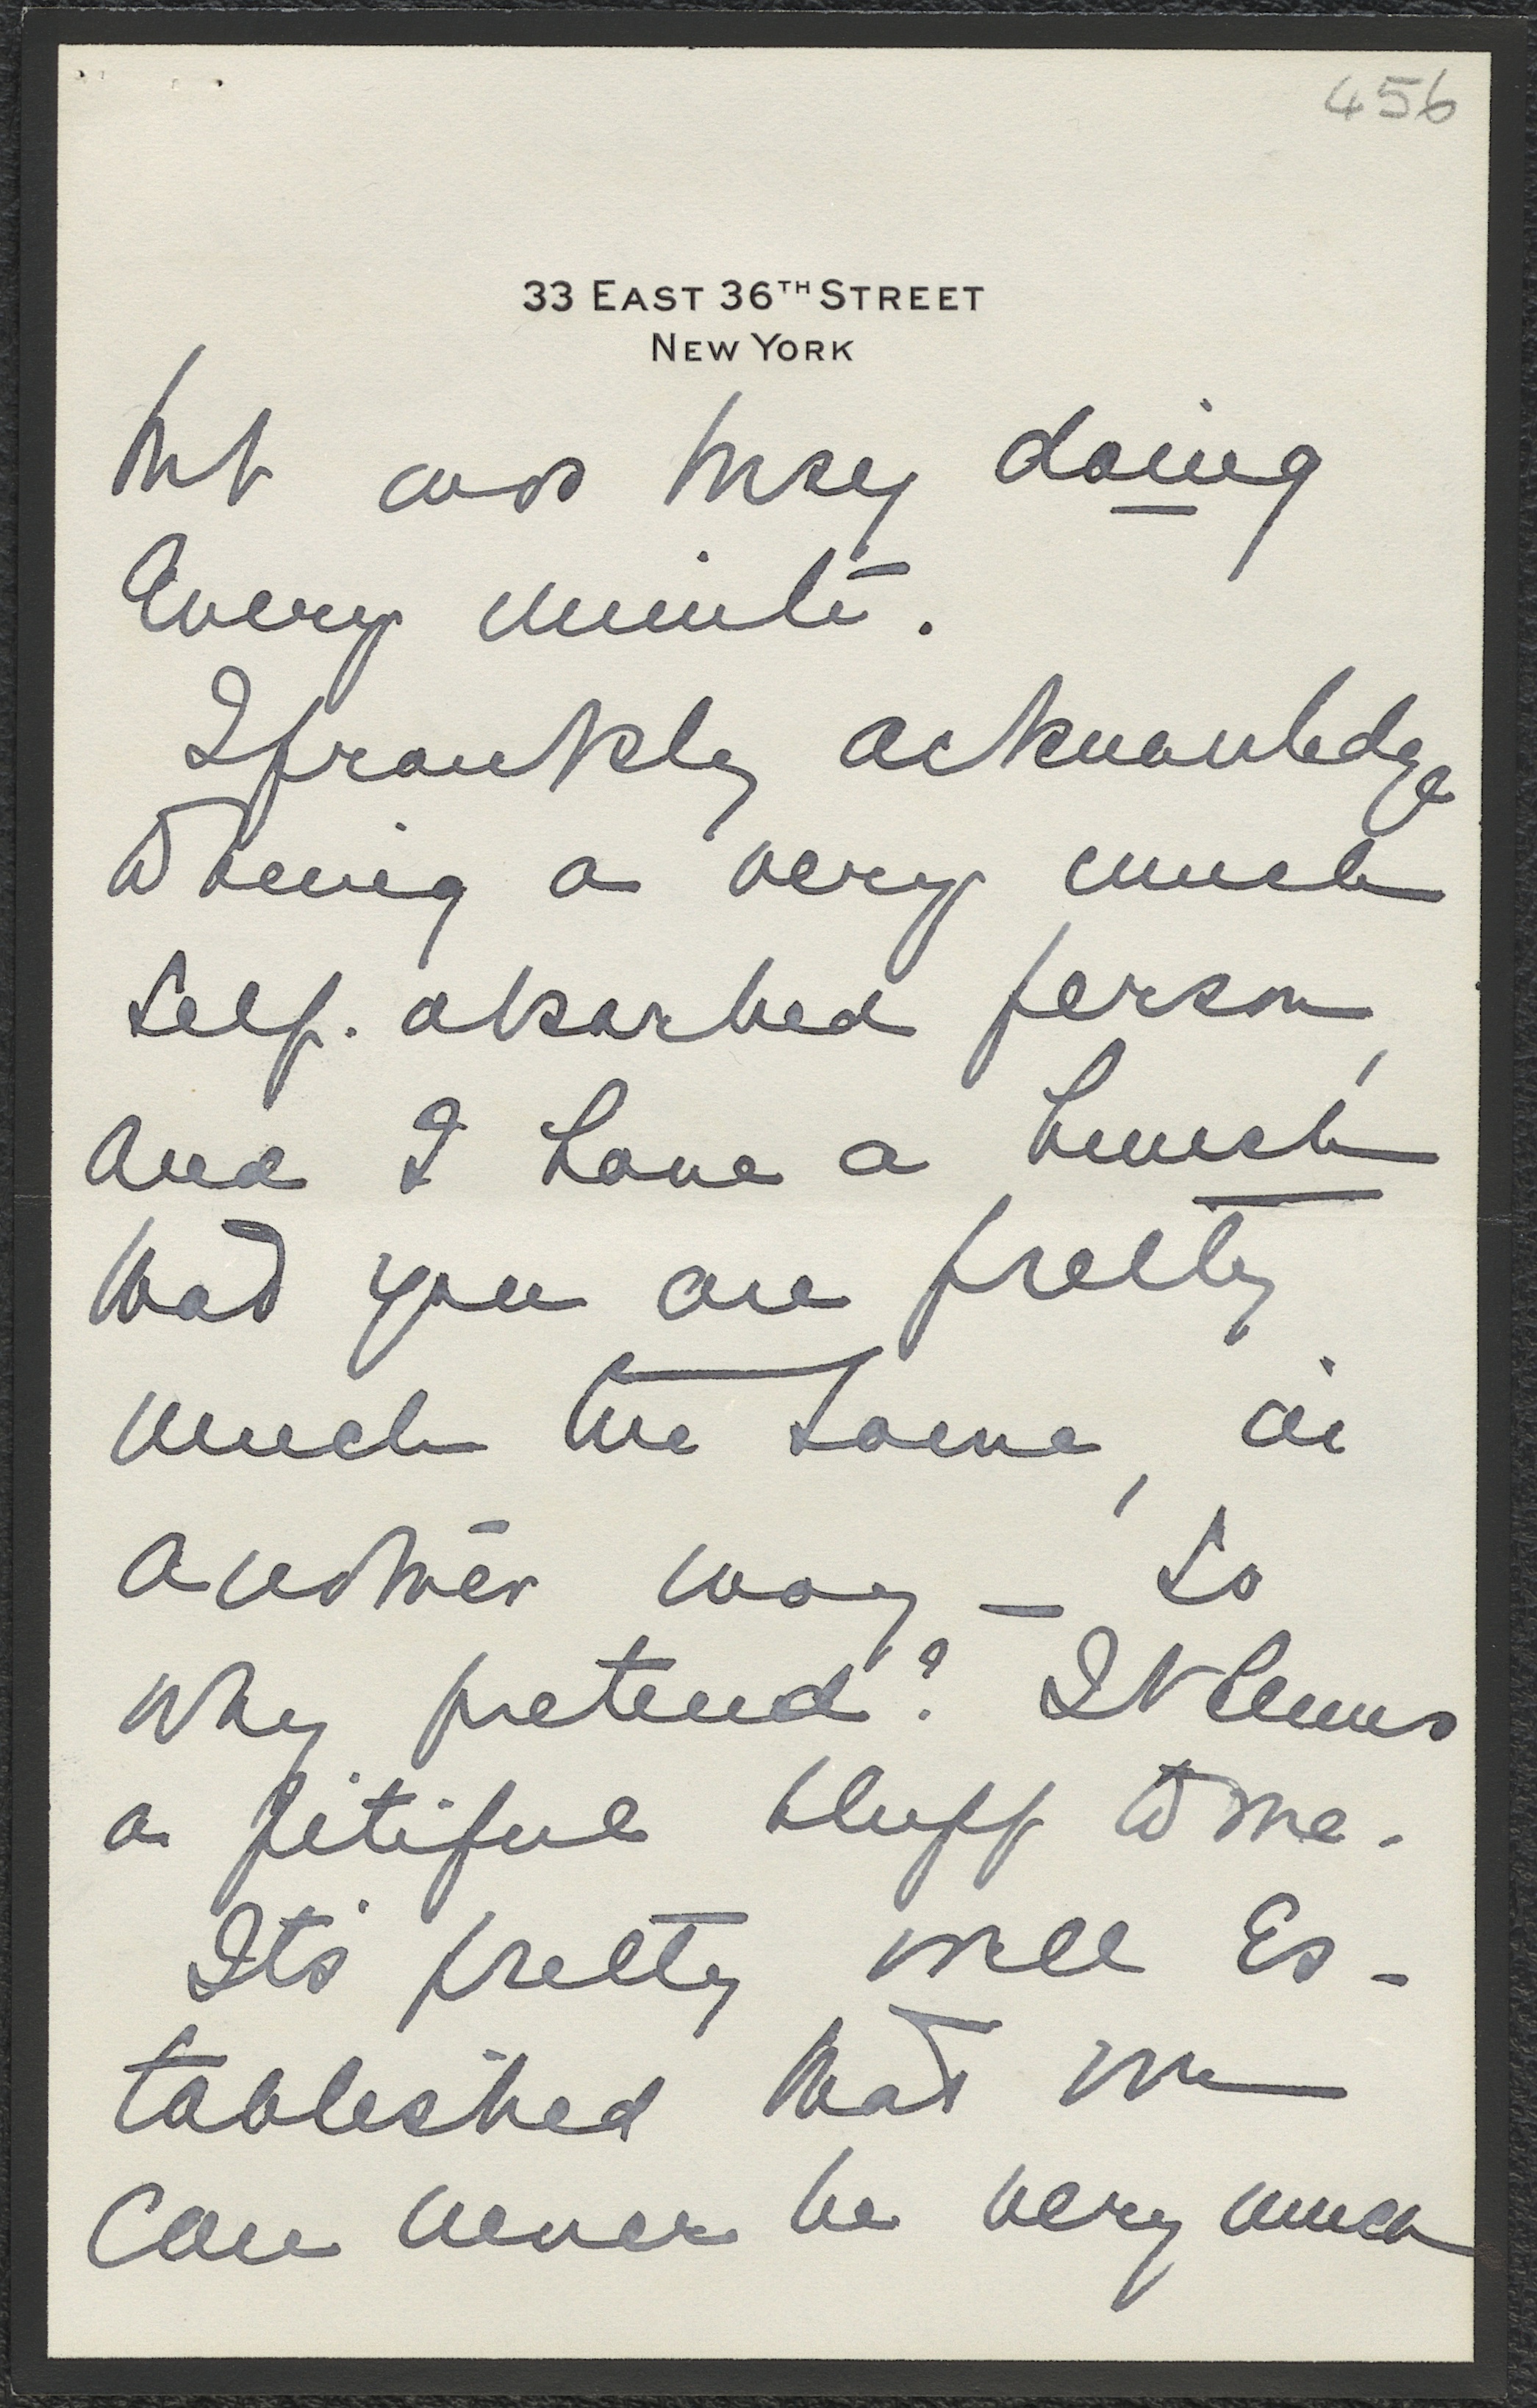but was busy doing every minute.
I frankly acknowledge to being a very much self-absorbed person and I have a hunch that you are pretty much the same, in another way – So why pretend? It seems a pitiful bluff to me – It’s pretty well established that we can never be very much